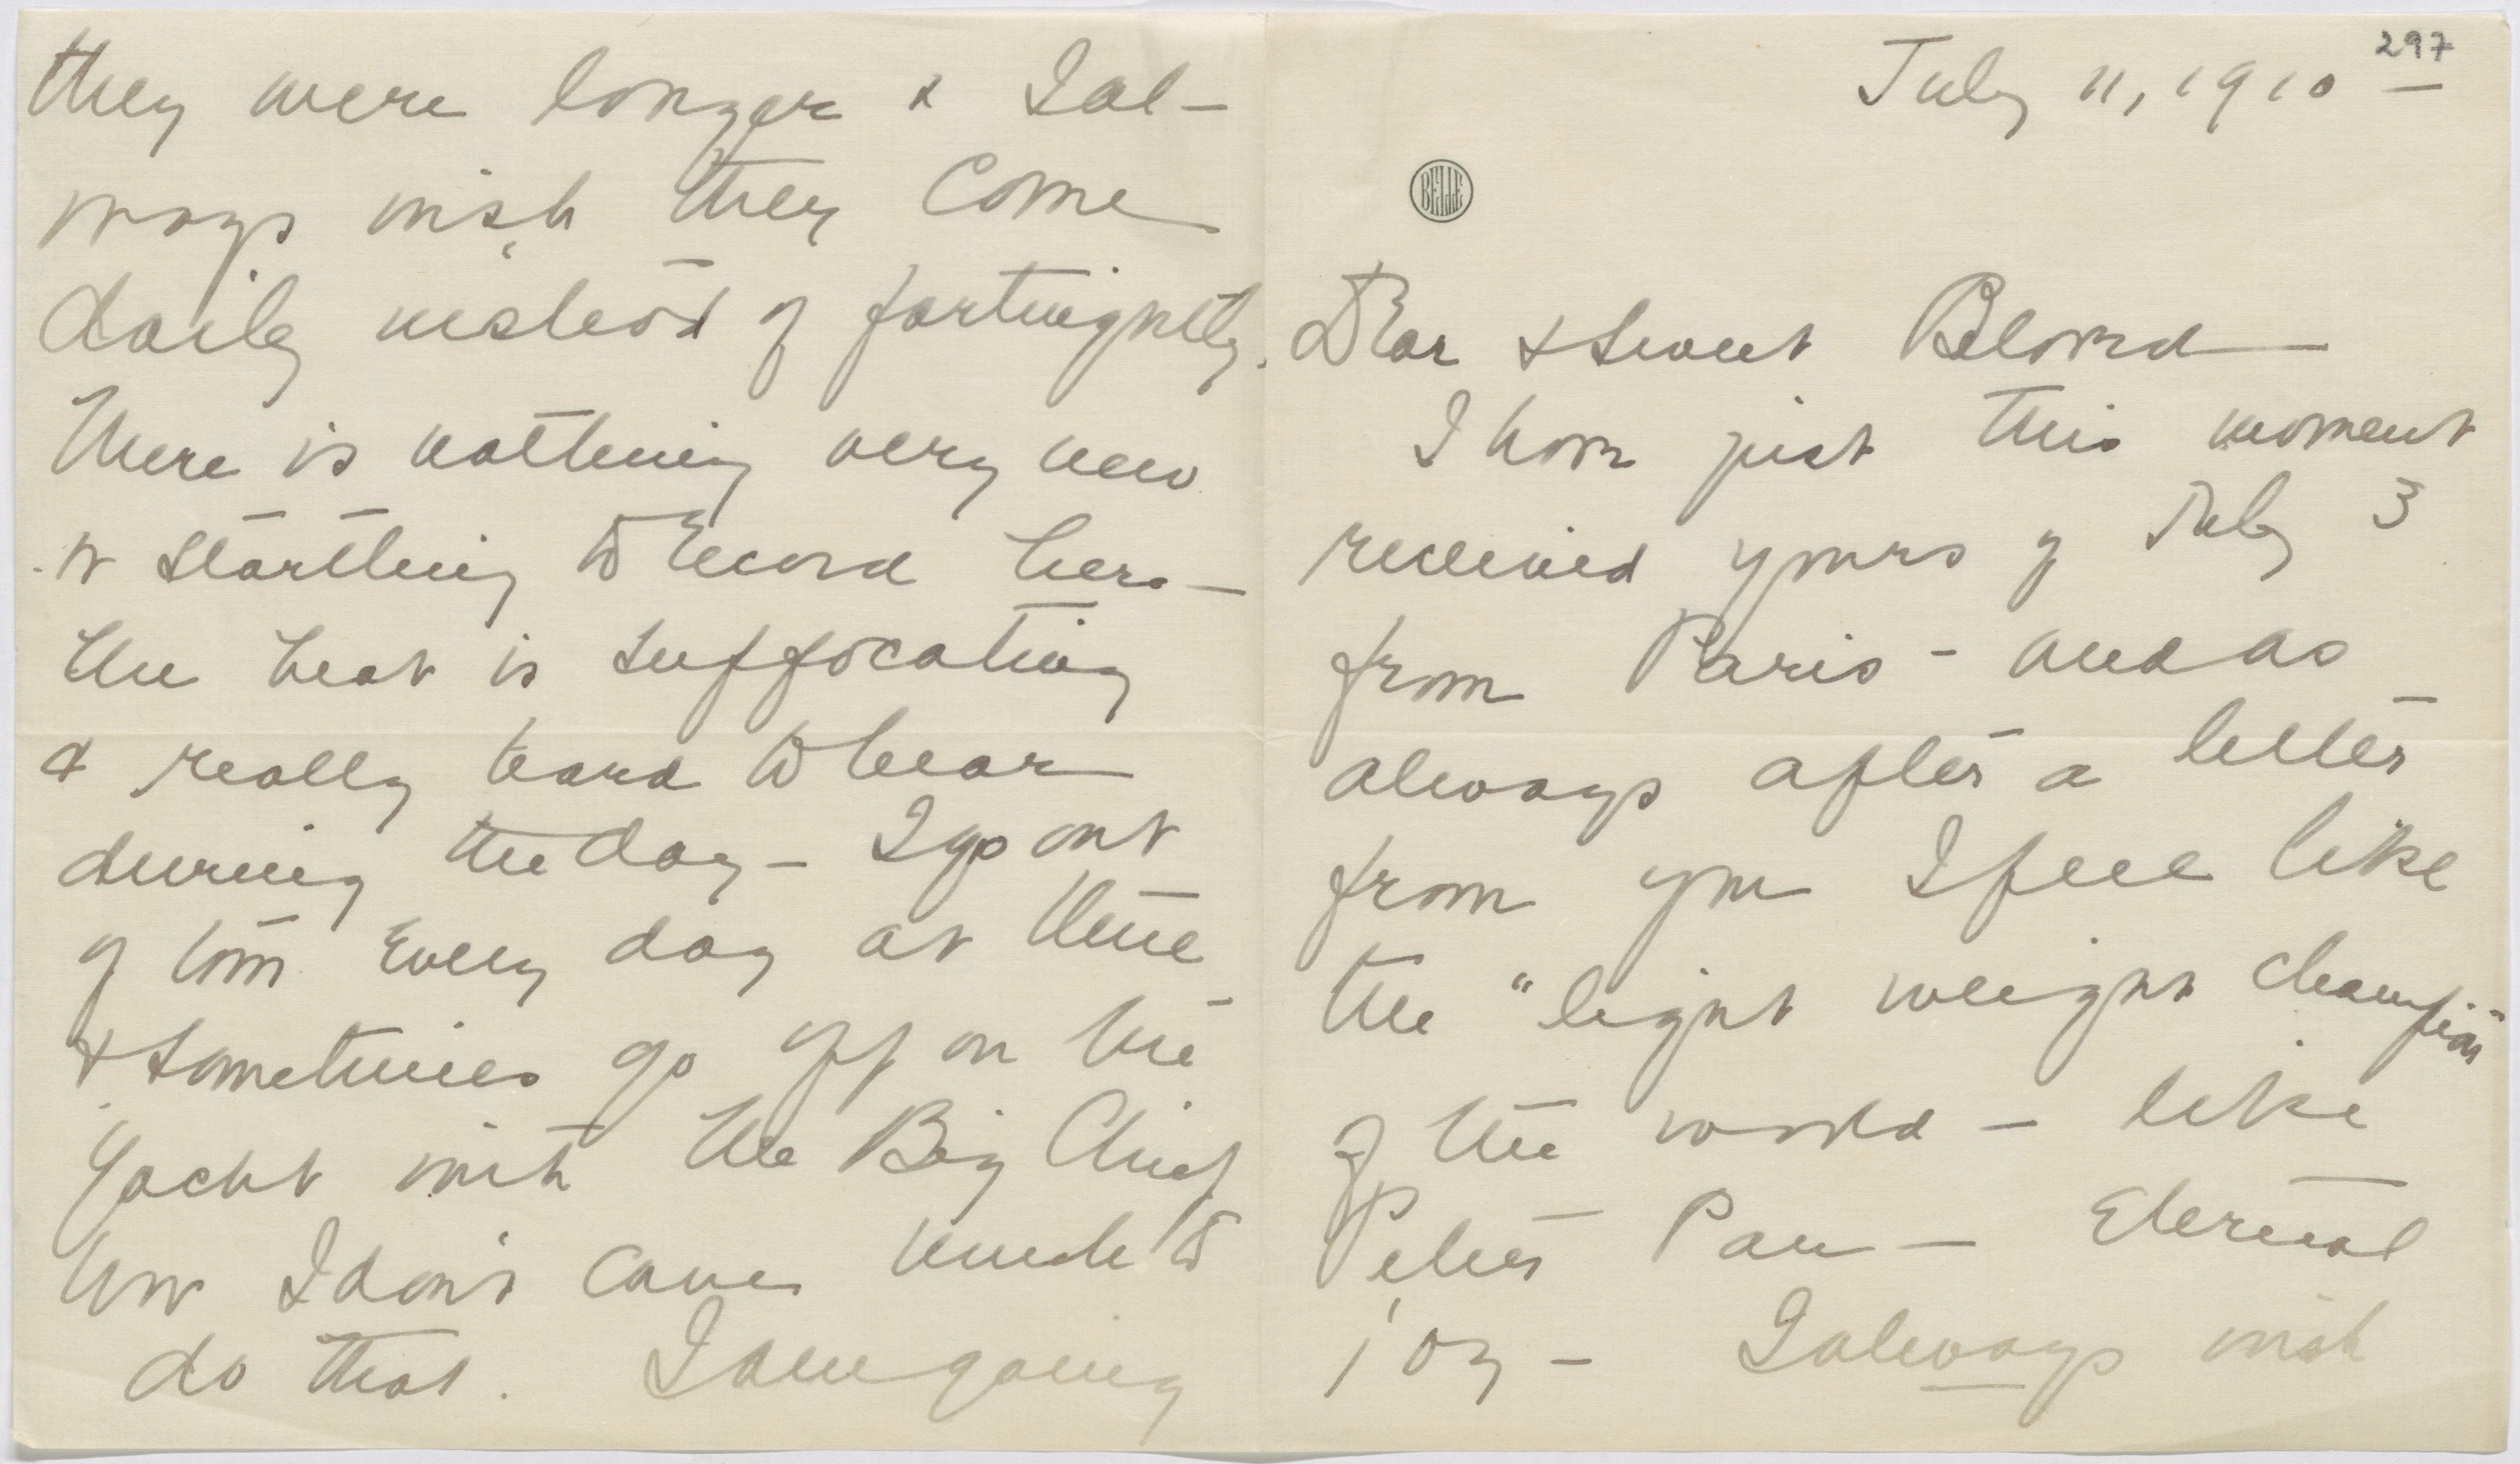July 11, 1910 –
Dear & sweet Beloved
I have just this moment received yours of July 3 from Paris – and as always after a letter from you I feel like the “light weight champion” of the world – like Peter Pan – Eternal joy – I always wish
they were longer & I always wish they came daily instead of fortnightly. There is nothing very new or startling to record here – The heat is suffocating & really hard to bear during the day – I go out of town every day at three & sometimes go off on the yacht with the Big Chef but I don’t care much to do that. I am going